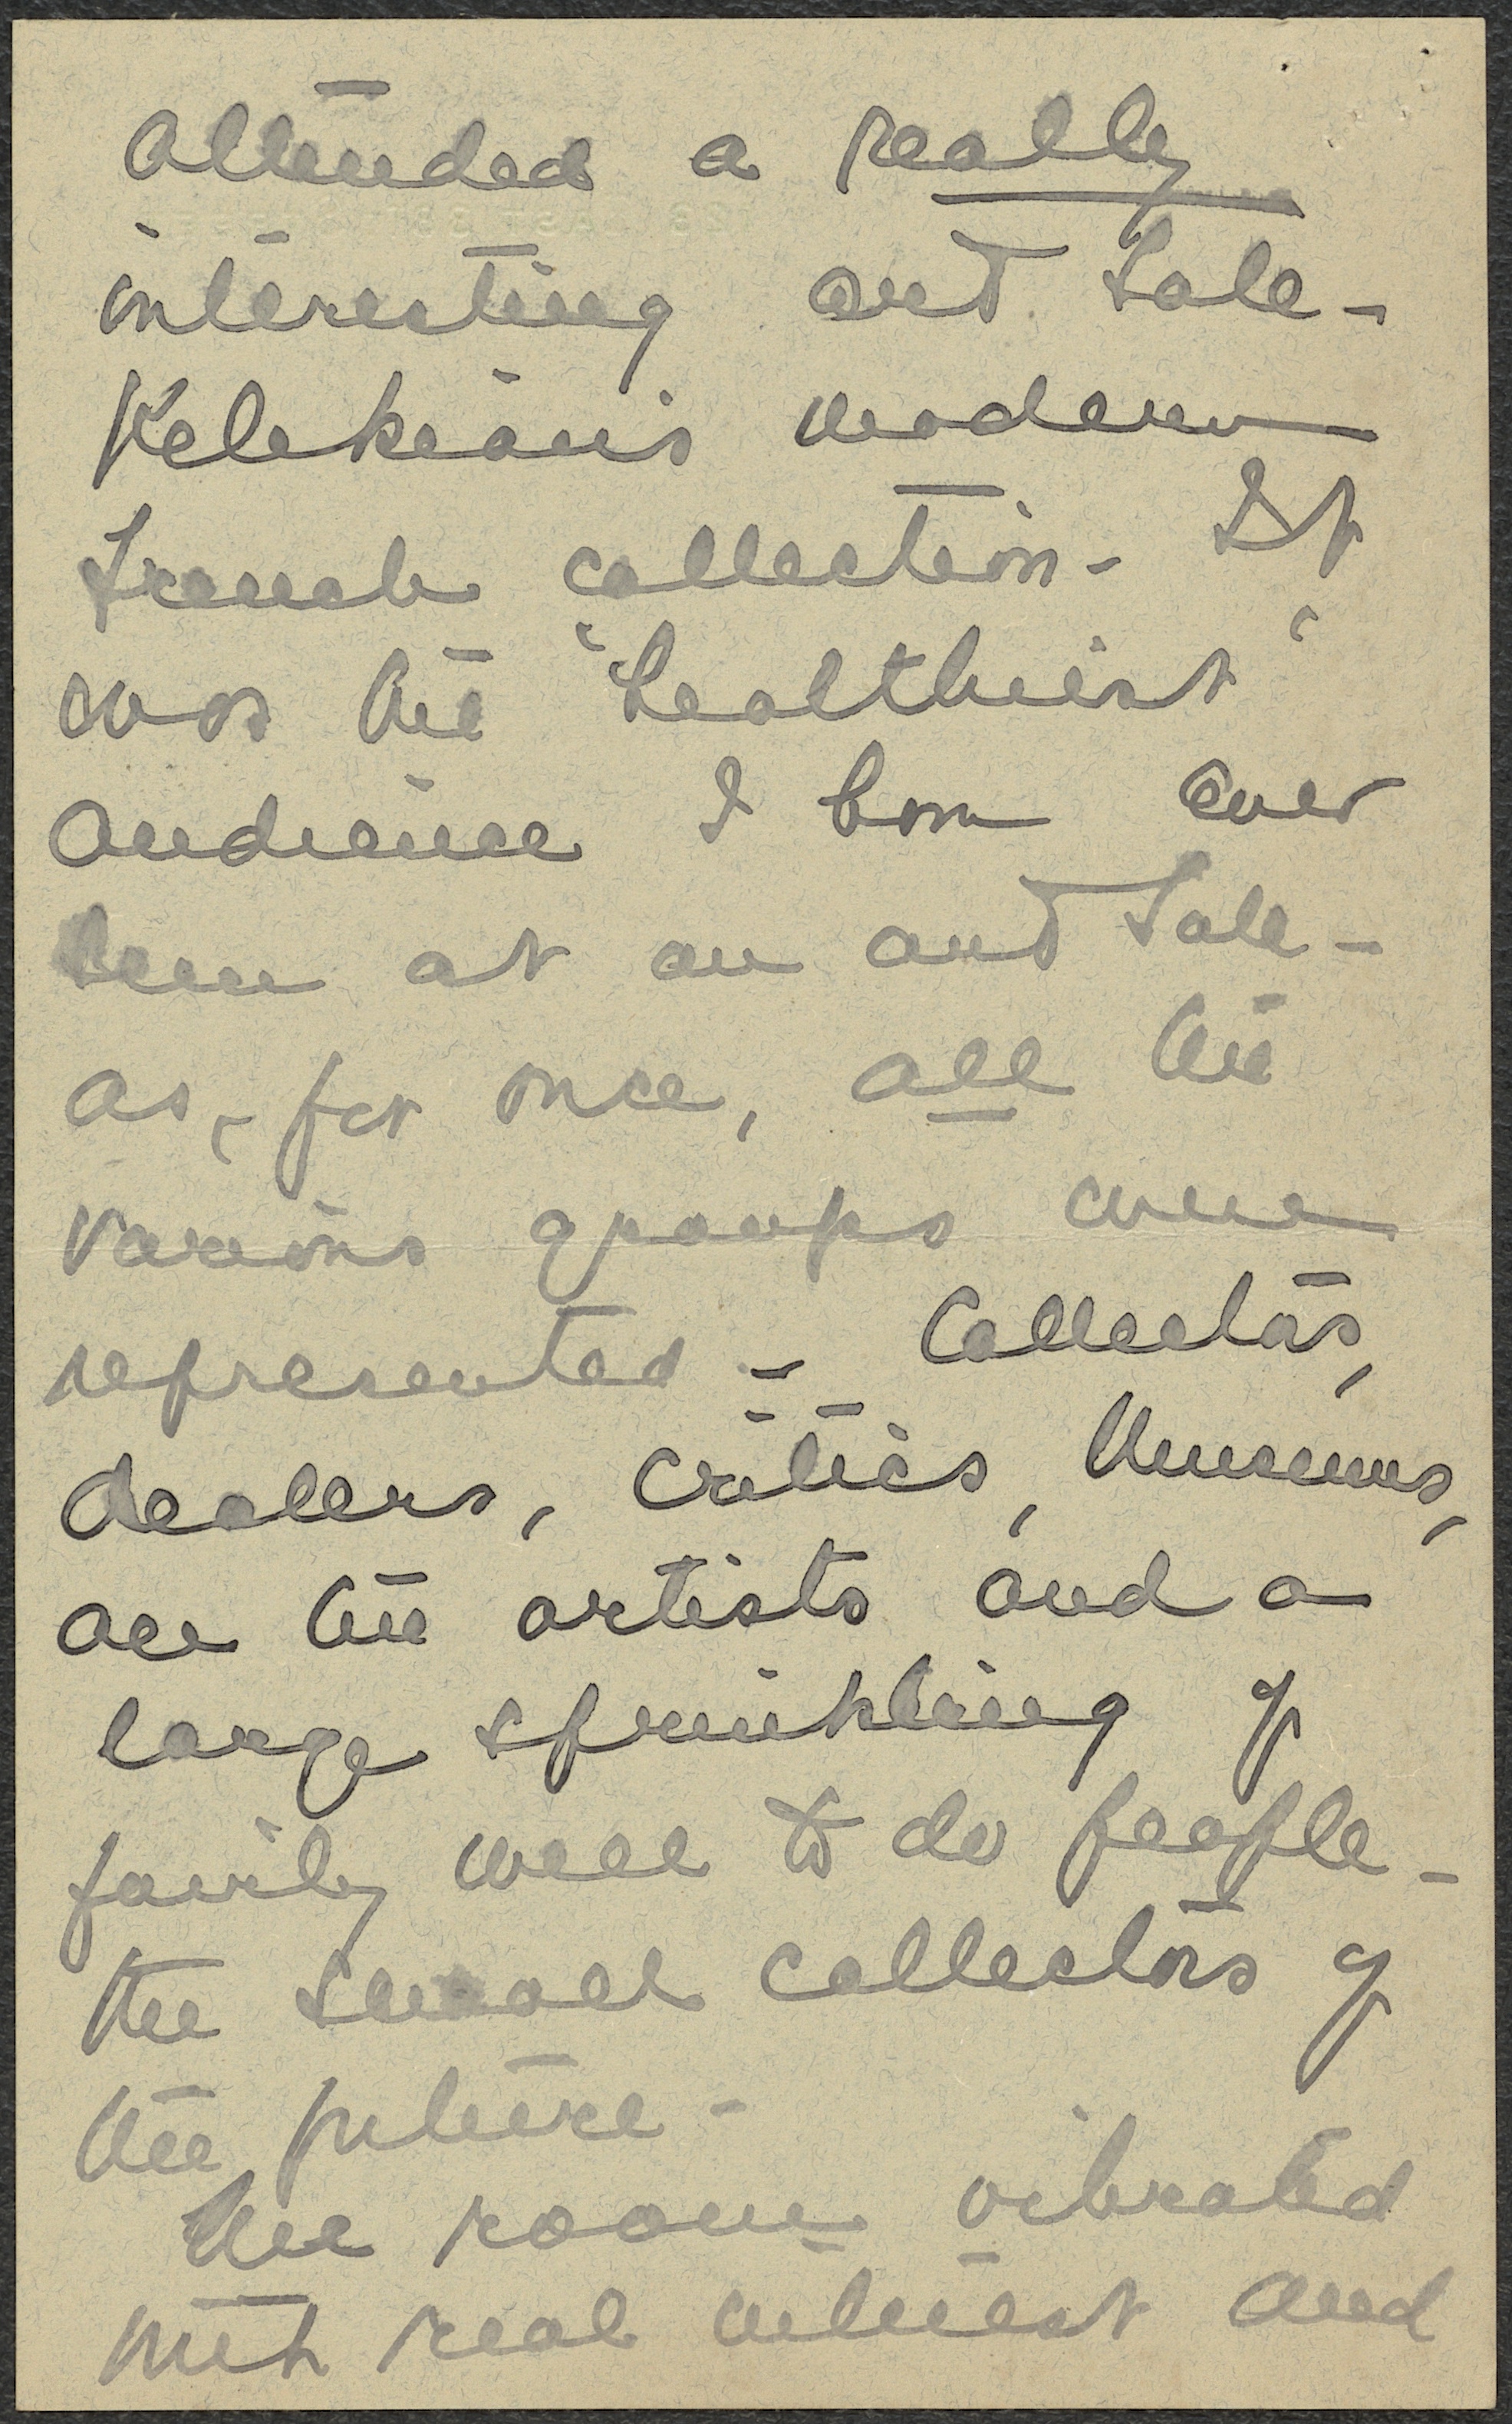attended a really interesting art sale – Kelekian’s modern French collection. It was the “healthiest” audience I have ever seen at an art sale – as for once all the various groups were represented – collectors, dealers, critics, museums, all the artists and a large sprinkling of fairly well to do people – the several collectors of the future –
The room vibrated with real interest and